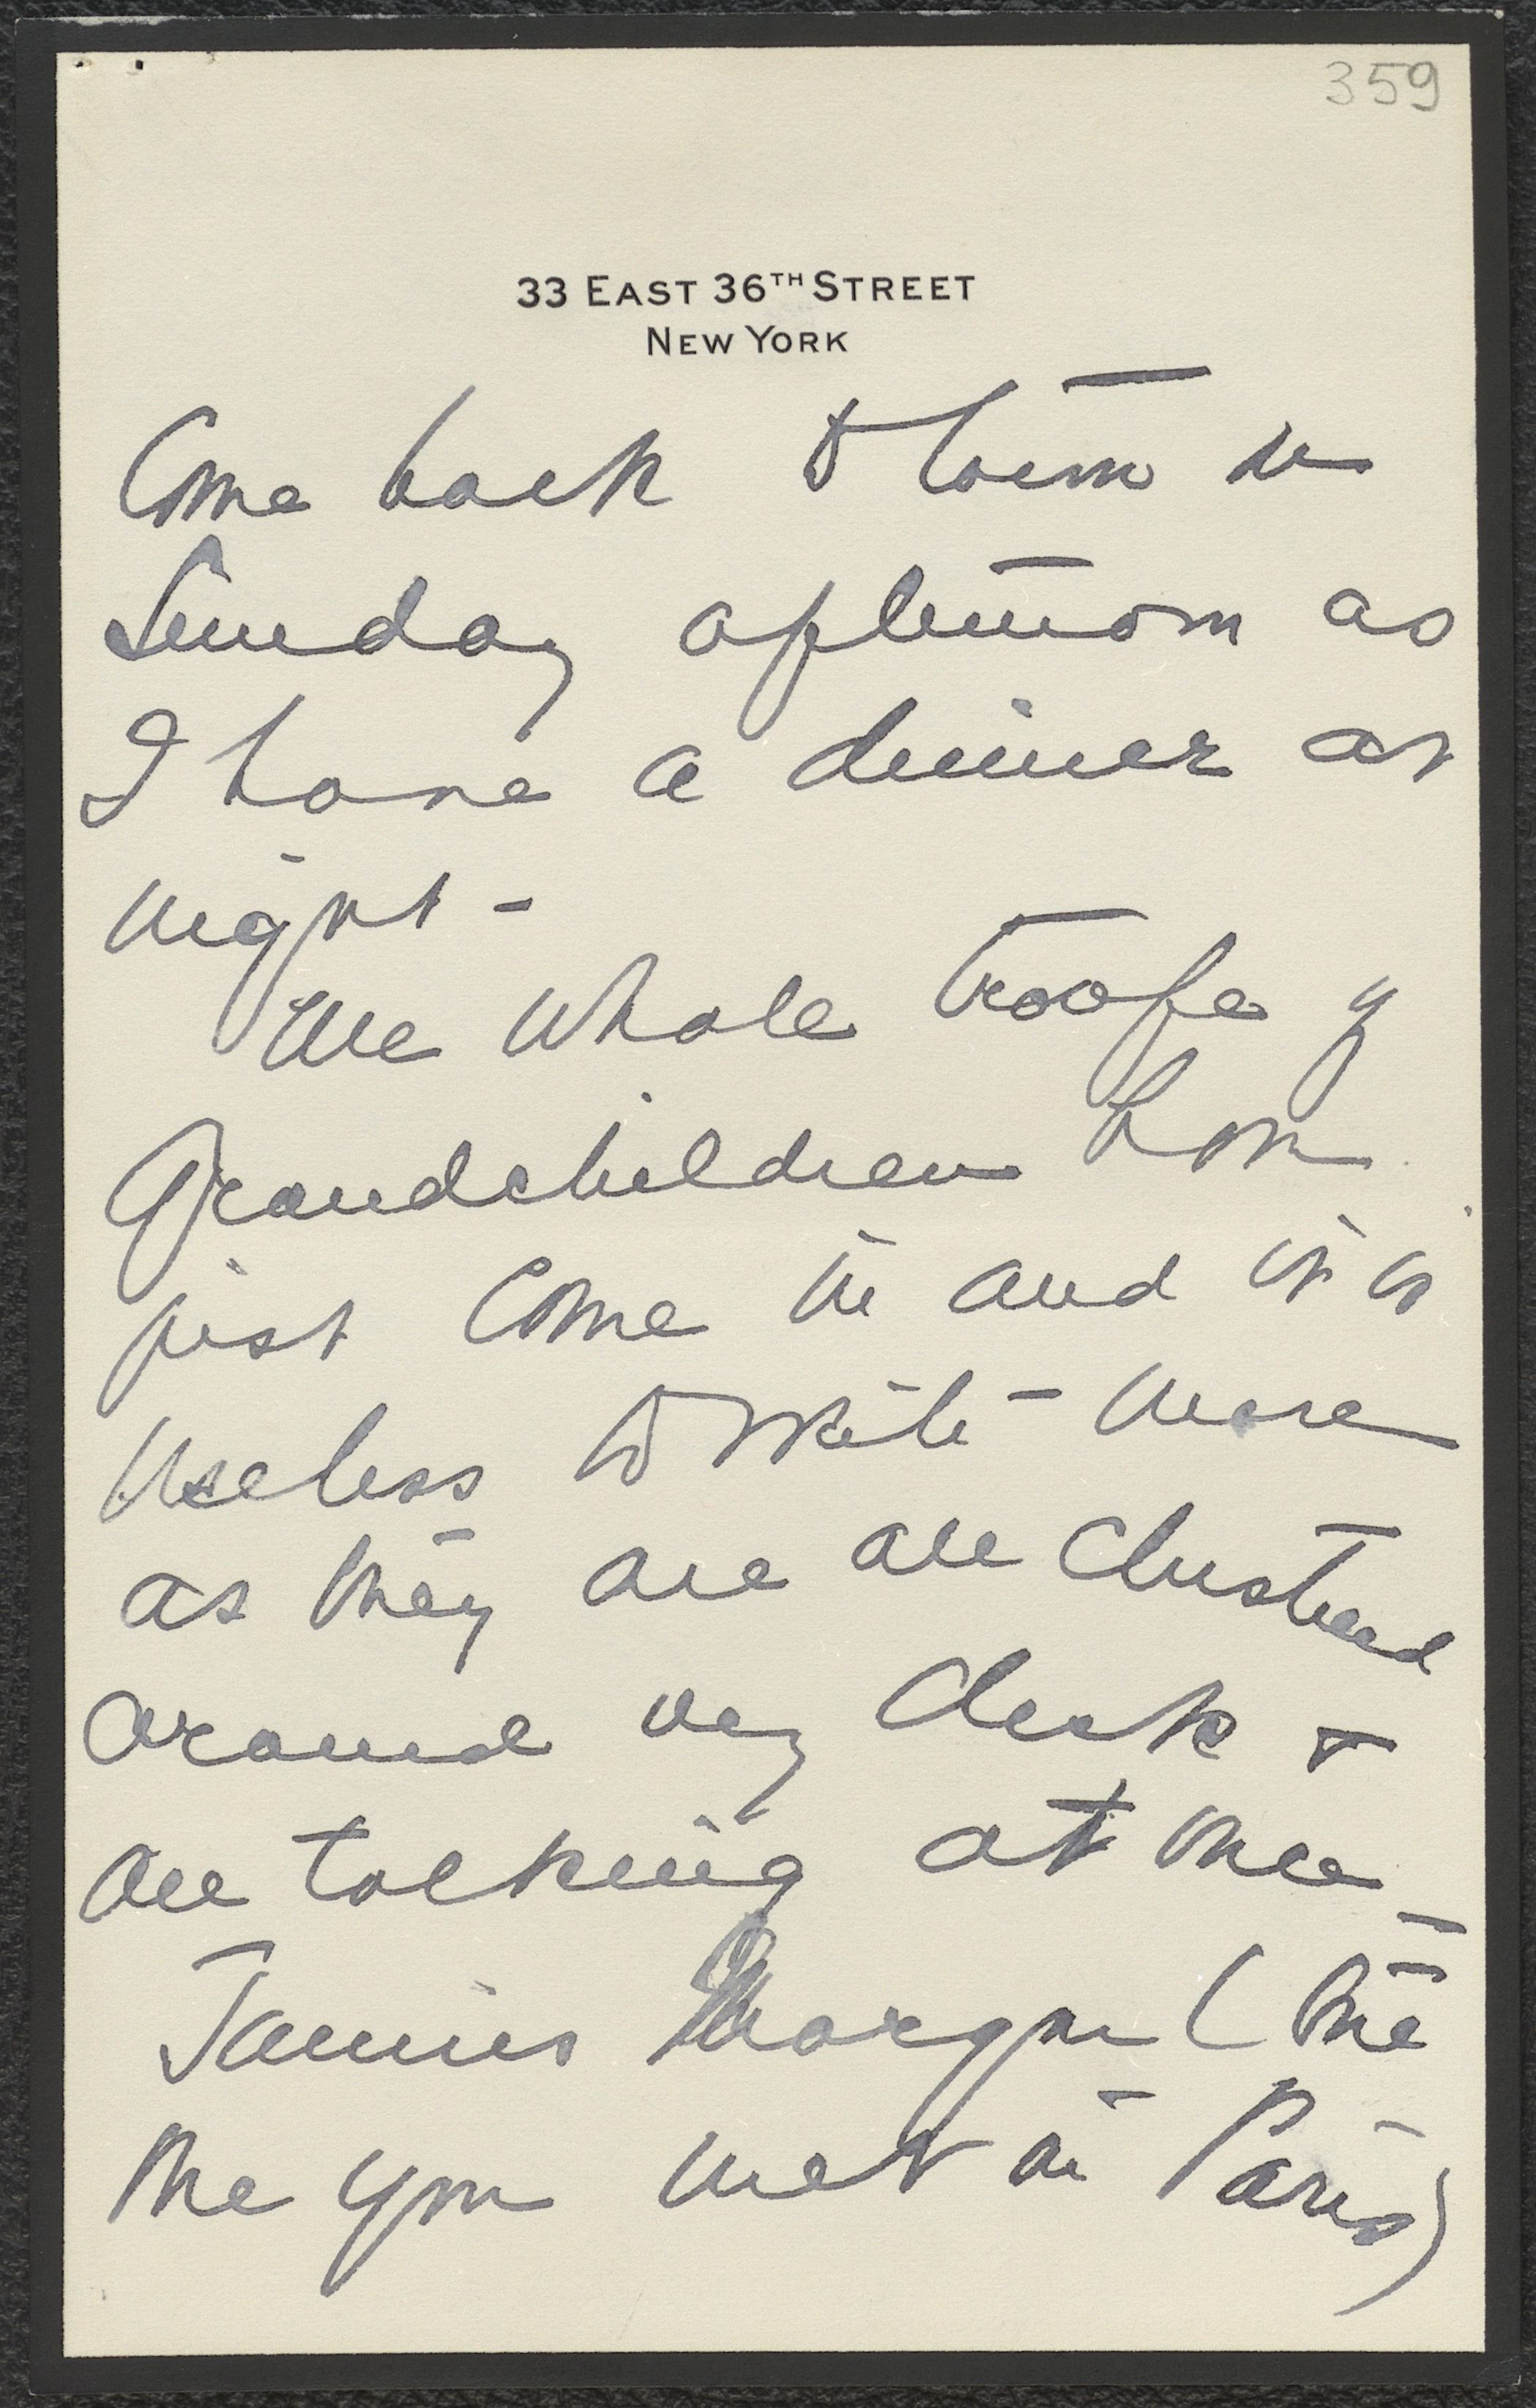come back to town on Sunday afternoon as I have a dinner at night –
The whole troupe of Grandchildren have just come in and it is useless to write more as they are all clustered around my desk & all talking at once –
Junius Morgan (the one you met in Paris)